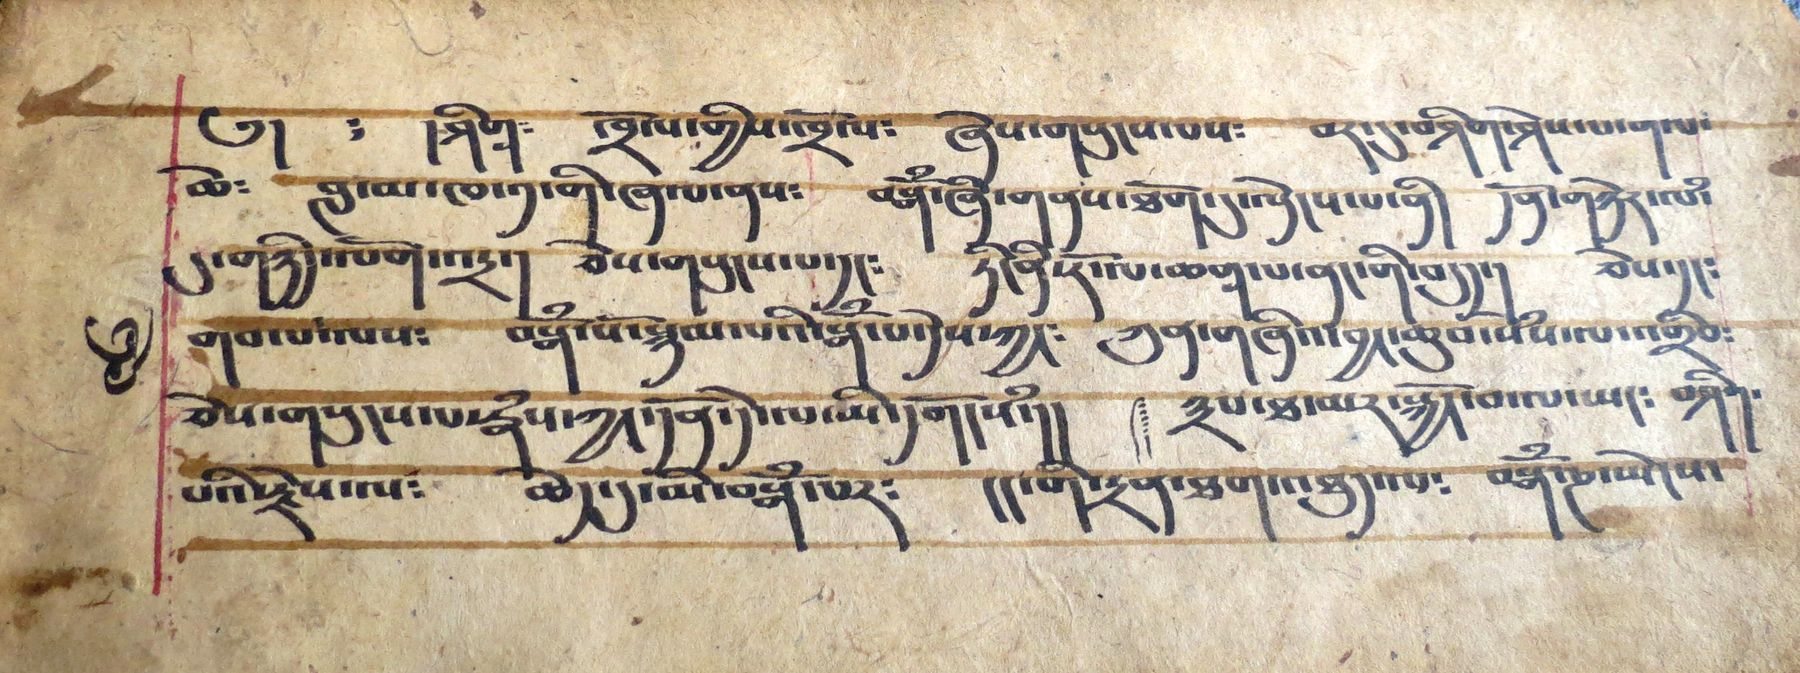ཤིག ཁྲོལ་གྱིས་དཀྲོལ། ཅེས་གསུངས་པས། བར་དུ་བཤིག་ཤེས་པ་གལ་
ཆེ། བླ་མ་ཁ་ཅིག་གི་ཞལ་ནས། སྒོམ་ཞི་གནས་ཐོག་ལྡེངས་པ་ནི། དོན་གཉེར་ལམ་
དུ་གཉིད་ལོག་འདྲ། ཞེས་གསུངས་པ་དང་། ཏིང་ངེ་འཛིན་རོ་ལ་ཆགས་པ་ནི་ནང་གི་བདུད། ཅེས་དང་། 
གབ་པ་ལས་བསྒོམས་སོ་སྙམ་པའི་བསྒོམ་པ་དེས་ཀྱང་། ཀུན་གཞི་བྱང་ཆུབ་སེམས་ལ་འགྲིབ་
ཅེས་གསུངས་པ་རྣམས་ཀྱང་དོན་དེ་ལ་མི་དགོངས་སམ། གསུམ་པ་ཐ་མར་བསྐྱངས་པ་ལ་ཡང་། བཤིགས་
པའི་རྗེས་ལ་ཆེད་དུ་མི་སྒོམ་པར། ངང་གིས་དྲན་ཐག་མཐུད་ལ་སྒོམ་མེད་ཡེངས་